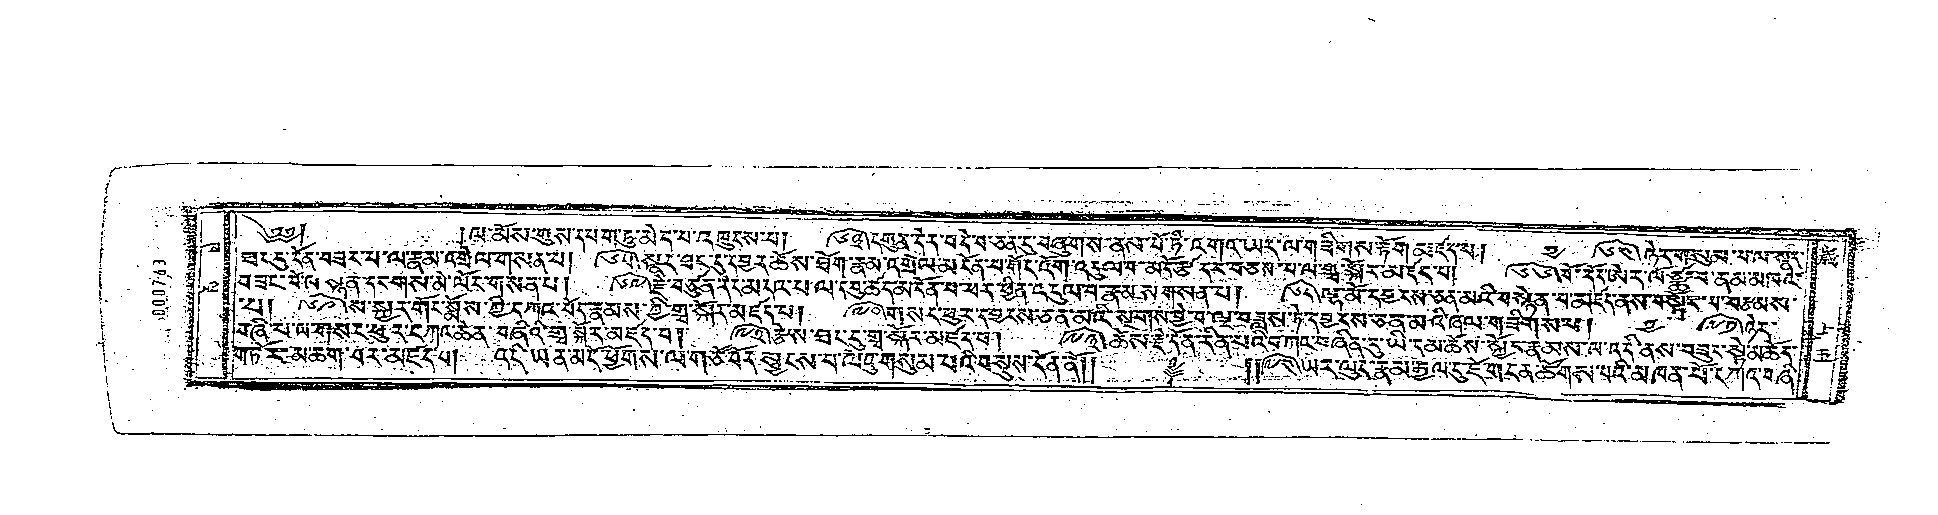༄༅། །ལ་མོས་གུས་དཔག་ཏུ་མེད་པ་འཁྲུངས་པ། ༼༦༣?་དགུན་དེར་བདེ་བ་ཅན་དུ་བཞུགས་ནས་པོ་ཏི་འགའ་ཡར་ལ་གཟིགས་རྟོག་མཛད་པ། ༧་༽༦༤?་ཉེར་གསུམ་པ་ལ་སྣར་
ཐང་དུ་དོན་བཟང་པ་ལ་རྣམ་འགྲེལ་གསན་པ། ༼༦༥?་སྣང་ཐང་དུ་དབྱར་ཆོས་ཐོག་རྣམ་འགྲེལ་མངོན་པ་གོང་འོག་འདུལ་བ་མདོ་རྩ་དང་བཅས་པ་ལ་གྲྭ་སྐོར་མཛད་པ། ༽༦༦?་བོ་དོང་ཨེར་ལོཙྪ་བ་ནམ་མཁའ་
བཟང་པོ་ལ་སྙན་དངགས་མེ་ལོང་གསན་པ། ༼༦༧?་རྗེ་བཙུན་རེང་མདའ་པ་ལ་དབུ་ཚད་མངོན་པ་ཕར་ཕྱིན་འདུལ་བ་རྣམས་གསན་པ། ༽༦༨?་ལྷ་མོ་དབྱངས་ཅན་མའི་བསྙེན་པ་མཛད་ནས་བསྟེད་པ་བརྩམས་
པ། ༼༦༩?་ས་སྐྱར་གོང་སྨོས་ཀྱི་དཀའ་པོད་རྣམས་ཀྱི་གྲྭ་སྐོར་མཛད་པ། ༽༧༠?་གསང་ཕུར་དབྱངས་ཅན་མའི་སྔགས་བྱེ་བ་ལྔ་བཟླས་ཏེ་དབྱངས་ཅན་མའི་ཞལ་གཟིགས་པ། ༧ ༧༡?་ཉེར་
བཞི་པ་ལ་གསང་ཕུར་དཀའ་ཆེན་བཞིའི་གྲྭ་སྐོར་མཛད་པ། ༼༧༢?་རྩིས་ཐང་དུ་གྲྭ་སྐོར་མཛད་པ། ༽༧༣?་ཚེས་རྗེ་དོན་རིན་པའི་བཀའ་བཞིན་དུ་ཡི་དམ་ཆོས་སྐྱོང་རྣམས་ལ་འདི་ནས་བཟུང་སྟེ་མཆོད་
གཏོར་མ་ཆག་བར་མཛད་པ། འདི་ཡན་མདོ་ཕྱོགས་ལ་གཙོ་བོར་སྦྱངས་པ་ལེའུ་གསུམ་པའི་བསྡུས་དོན་ནོ།། ༈ ༤?་།། ༧༤?་ཡར་ལུང་རྣམ་རྒྱལ་དུ་ཇོ་གདན་ཚོགས་པའི་མཁན་པོ་དཀའ་བཞི་